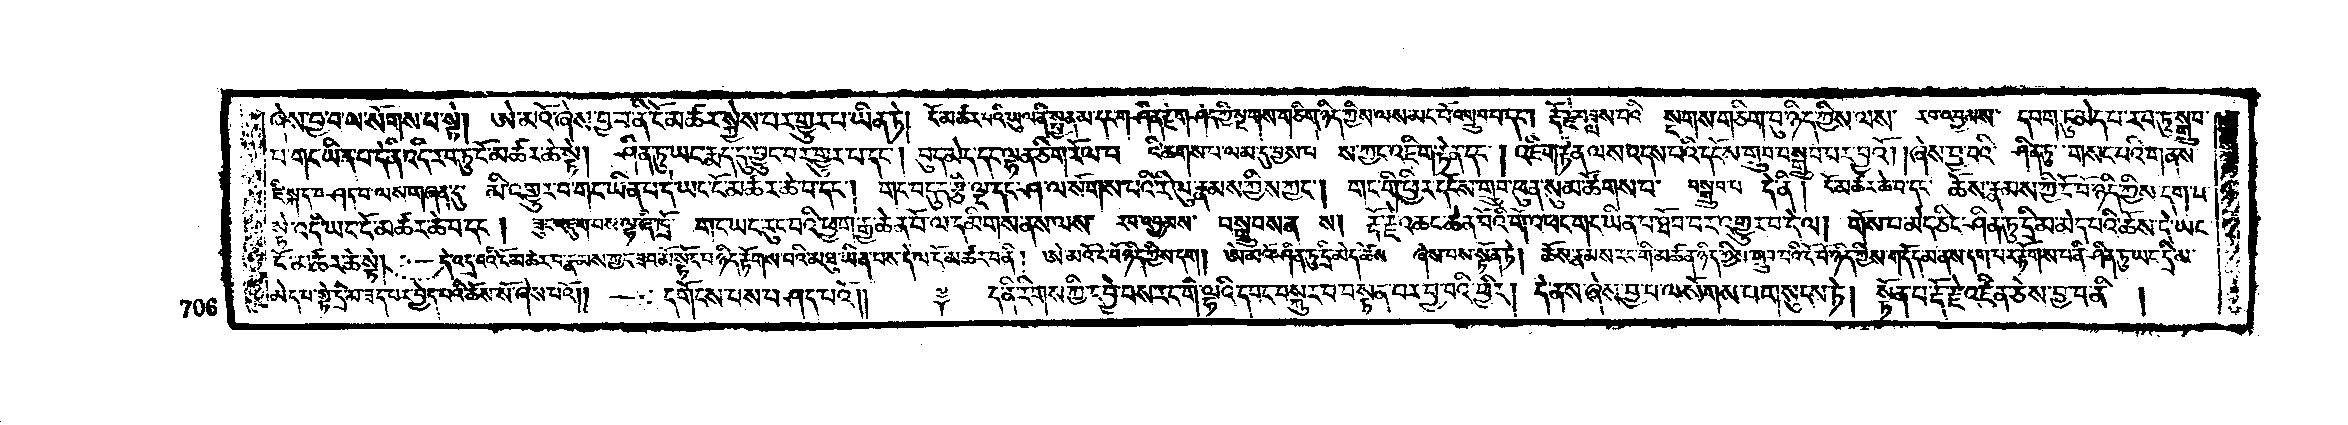ཞེས་བྱ་བ་ལ་སོགས་པ་སྟེ། ཨེ་མའོ་ཞེས་བྱ་བ་ནི་ངོ་མཚར་སྐྱེས་པར་གྱུར་པ་ཡིན་ཏེ། ངོ་མཚར་པའི་ཡུལ་ནི་སྤྱན་མ་དང་གཤིན་རྗེ་གཤེད་ཀྱི་སྔགས་གཅིག་ཉིད་ཀྱིས་ལས་མང་པོ་འགྲུབ་པ་དང་། རྡོ་རྗེ་བཟླས་པའི་སྔགས་གཅིག་པུ་ཉིད་ཀྱིས་ལས་རབ་འབྱམས་དཔག་ཏུ་མེད་པ་རབ་ཏུ་སྒྲུབ་
པ་གང་ཡིན་པ་དེ་ནི་འདི་རབ་ཏུ་ངོ་མཚར་ཆེ་སྟེ། ཤིན་ཏུ་ཡང་རྨད་དུ་བྱུང་བར་གྱུར་པ་དང་། བུད་མེད་དང་ལྷན་ཅིག་རོལ་པའི་ཆགས་པ་ལམ་དུ་བྱས་པས་ཀྱང་འཇིག་རྟེན་དང་། འཇིག་རྟེན་ལས་འདས་པའི་དངོས་གྲུབ་བསྒྲུབ་པར་བྱའོ། །ཞེས་བྱ་བའི་ཤིན་ཏུ་གསང་བའི་གནས་
ཇི་སྐད་བཤད་པ་ལས་གཞན་དུ་མི་འགྱུར་བ་གང་ཡིན་པ་དེ་ཡང་ངོ་མཚར་ཆེ་བ་དང་། གང་བདུད་རྩི་ལྔ་དང་ཤ་ལ་སོགས་པའི་རི་ལུ་རྣམས་ཀྱིས་ཀྱང་། གང་གི་ཕྱིར་དངོས་གྲུབ་ཕུན་སུམ་ཚོགས་པ་བསྒྲུབ་པ་དེ་ནི། ངོ་མཚར་ཆེ་བ་དང་ཆོས་རྣམས་ཀྱི་ངོ་བོ་ཉིད་ཀྱིས་དག་པ་
སྟེ་འདི་ཡང་ངོ་མཚར་ཆེ་བ་དང་། ཟུང་འཇུག་པས་ལྷ་ཞི་ཁྲོ་གང་ཡང་རུང་བའི་ཕྱག་རྒྱ་ཆེན་པོ་ལ་དམིགས་ནས་ལས་རབ་འབྱམས་བསྒྲུབས་ནས། རྡོ་རྗེ་འཆང་ཆེན་པོའི་གོ་འཕང་གང་ཡིན་པ་ཐོབ་པར་འགྱུར་བ་དེ་ལ། གོས་པ་མེད་ཅིང་ཤིན་ཏུ་དྲི་མ་མེད་པའི་ཆོས་དེ་ཡང་
ངོ་མཚར་ཆེ་སྟེ། H.དེ་འདྲ་བའི་ངོ་མཚར་བ་རྣམས་ཀྱང་ཟབ་མོ་སྟོང་པ་ཉིད་རྟོགས་པའི་མཐུ་ཡིན་པས་དེ་ལ་ངོ་མཚར་བ་ནི། ཨེ་མའོ་ངོ་བོ་ཉིད་ཀྱིས་དག །ཨེ་མའོ་ཤིན་ཏུ་དྲི་མེད་ཆོས། ཞེས་པས་སྟོན་ཏེ། ཆོས་རྣམས་རང་གི་མཚན་ཉིད་ཀྱིས་གྲུབ་པའི་ངོ་བོ་ཉིད་ཀྱིས་གདོད་མ་ནས་དག་པར་རྟོགས་པ་ནི་ཤིན་ཏུ་ཡང་དྲི་མ་
མེད་པ་སྟེ་དྲི་མ་ཟད་པར་བྱེད་པའི་ཆོས་སོ་ཞེས་པའོ།། དགོངས་པས་བཤད་པའོ།། ༈ ད་ནི་རིགས་ཀྱི་དབྱེ་བས་རང་གི་ལྷའི་དབང་བསྐུར་བ་བསྟན་པར་བྱ་བའི་ཕྱིར། དེ་ནས་ཞེས་བྱ་བ་ལ་སོགས་པ་གསུངས་ཏེ། སྟོན་པ་རྡོ་རྗེ་འཛིན་ཅེས་བྱ་བ་ནི་།